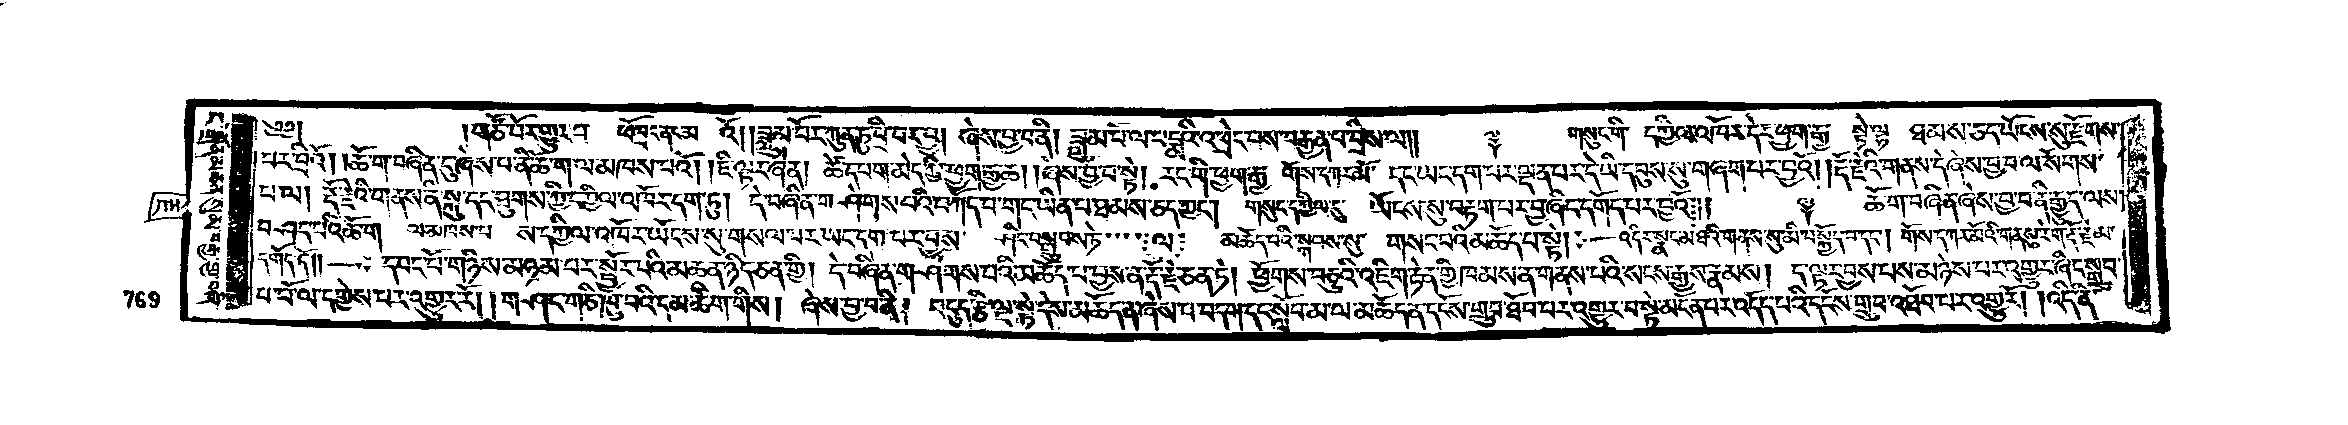༄༅། །གཙོ་བོར་གྱུར་པ་ཕོ་བྲང་ནང་མའོ། །ཟླུམ་པོར་ཀུན་ཏུ་བྲི་བར་བྱ། ཞེས་བྱ་བ་ནི། ཟླུམ་པོ་ལ་པདམའི་འཕྲེང་བས་བརྒྱན་པ་བྲིས་ལ།། ༈ གསུང་གི་དཀྱིལ་འཁོར་དེར་ཕྱག་རྒྱ་སྟེ་ལྷ་ཐམས་ཅད་ཡོངས་སུ་རྫོགས་
པར་བྲིའོ། །ཆོ་ག་བཞིན་དུ་ཞེས་པ་ནི་ཆོ་ག་ལ་མཁས་པའོ། །ཇི་ལྟར་ཞེ་ན། ཚེ་དཔག་མེད་ཀྱི་ཕྱག་རྒྱ་ཆ། །ཞེས་བྱ་བ་སྟེ། རང་གི་ཕྱག་རྒྱ་གོས་དཀར་མོ་དང་ཡང་དག་པར་ལྡན་པར་དེ་ཡི་དབུས་སུ་གཞག་པར་བྱའོ། །རྡོ་རྗེའི་གནས་དེ་ཞེས་བྱ་བ་ལ་སོགས་
པ་ལ། རྡོ་རྗེའི་གནས་ནི་སྐུ་དང་ཐུགས་ཀྱི་དཀྱིལ་འཁོར་དག་ཏུ། དེ་བཞིན་གཤེགས་པའི་བཀོད་པ་གང་ཡིན་པ་ཐམས་ཅད་ཀྱང་། གསུང་དཀྱིལ་དུ་ཡོངས་སུ་བརྟག་པར་བྱ་ཞིང་དགོད་པར་བྱའོ།། ༈ ཆོ་ག་བཞིན་ཞེས་བྱ་བ་ནི་རྒྱུད་ལས་
བཤད་པའི་ཆོ་ག་ལ་མཁས་པས་དཀྱིལ་འཁོར་ཡོངས་སུ་གསལ་པར་ཡང་དག་པར་བྱས་ཤིང་བསྒྲུབས་ཏེ་ལ་མཆོད་པའི་སྐབས་སུ་གསང་བའི་མཆོད་པ་སྟེ། H.་འདིར་སྣང་མཐའི་གནས་སུ་མི་བསྐྱོད་བ་དང་། གོས་དཀར་མོའི་གནས་སུ་རེག་རྡོ་རྗེ་མ་
དགད་དོ།། .H དབང་པོ་གཉིས་མཉམ་པར་སྦྱོར་བའི་མཆན་ཉིད་ཅན་གྱི། དེ་བཞིན་གཤེགས་པའི་མཆོད་པ་བྱས་ན་རྡོ་རྗེ་ཅན་ཏེ། ཕྱོགས་བཅུའི་འཇིག་རྟེན་གྱི་ཁམས་ན་གནས་པའི་སངས་རྒྱས་རྣམས། ད་ལྟར་བྱས་པས་མཉེས་པར་འགྱུར་ཞིང་སྒྲུབ་
པ་པོ་ལ་དགྱེས་པར་འགྱུར་རོ། །གཤང་གཅི་ཁུ་བའི་དམ་ཚིག་གིས། ཞེས་བྱ་བ་ནི། བདུད་རྩི་ལྔ་སྟེ་དེས་མཆོད་ན་ཞེས་པ་བདག་དང་སློབ་མ་ལ་མཆོད་ན་དངོས་གྲུབ་ཐོབ་པར་འགྱུར་བ་སྟེ་མངོན་པར་འདོད་པའི་དངོས་གྲུབ་འཐོབ་པར་འགྱུར་རོ། །འདི་ནི་